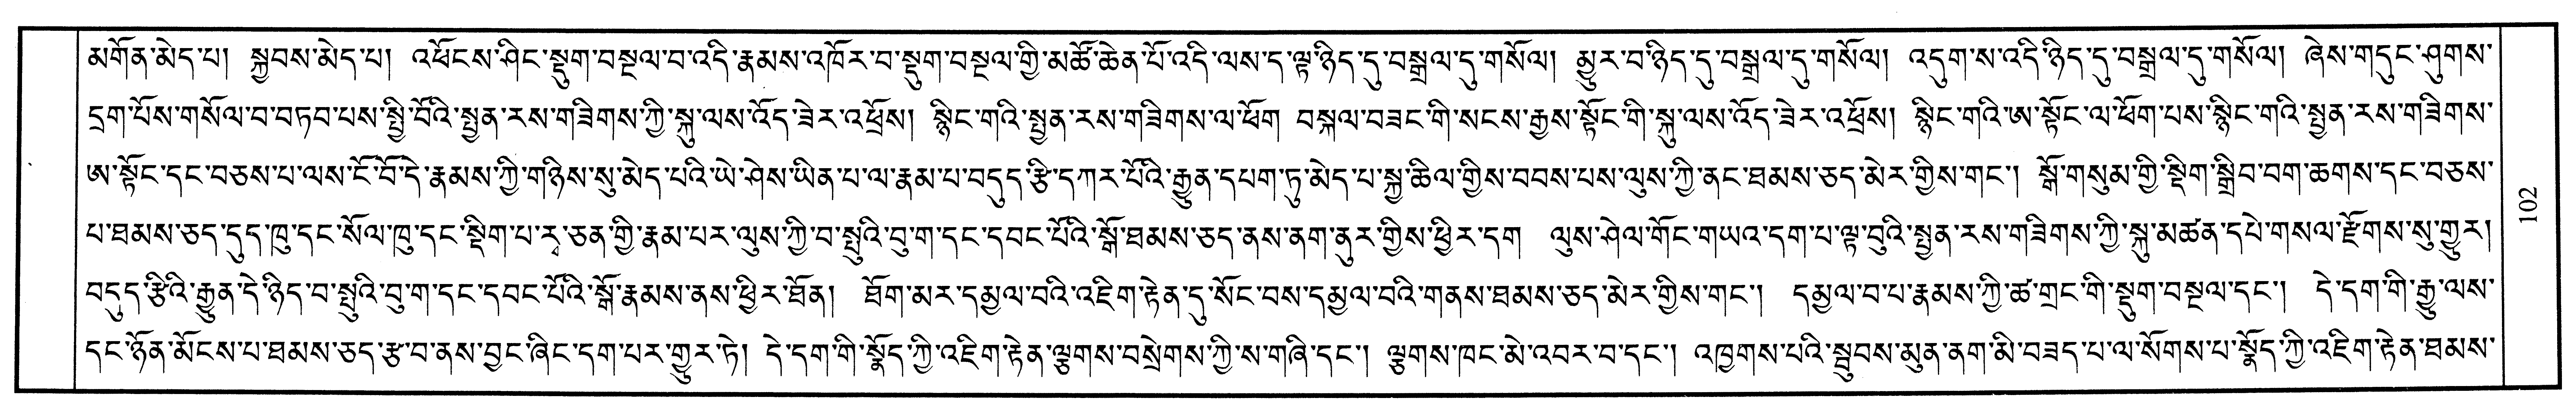མགོན་མེད་པ། སྐྱབས་མེད་པ། འཕོངས་ཤིང་སྡུག་བསྔལ་བ་འདི་རྣམས་འཁོར་བ་སྡུག་བསྔལ་གྱི་མཚོ་ཆེན་པོ་འདི་ལས་ད་ལྟ་ཉིད་དུ་བསྒྲལ་དུ་གསོལ། མྱུར་བ་ཉིད་དུ་བསྒྲལ་དུ་གསོལ། འདུག་ས་འདི་ཉིད་དུ་བསྒྲལ་དུ་གསོལ། ཞེས་གདུང་ཤུགས་
དྲག་པོས་གསོལ་བ་བཏབ་པས་སྤྱི་བོའི་སྤྱན་རས་གཟིགས་ཀྱི་སྐུ་ལས་འོད་ཟེར་འཕྲོས། སྙིང་གའི་སྤྱན་རས་གཟིགས་ལ་ཕོག་བསྐལ་བཟང་གི་སངས་རྒྱས་སྟོང་གི་སྐུ་ལས་འོད་ཟེར་འཕྲོས། སྙིང་གའི་ཨ་སྟོང་ལ་ཕོག་པས་སྙིང་གའི་སྤྱན་རས་གཟིགས་
ཨ་སྟོང་དང་བཅས་པ་ལས་ངོ་བོ་དེ་རྣམས་ཀྱི་གཉིས་སུ་མེད་པའི་ཡེ་ཤེས་ཡིན་པ་ལ་རྣམ་པ་བདུད་རྩི་དཀར་པོའི་རྒྱུན་དཔག་ཏུ་མེད་པ་སྐྱ་ཆིལ་གྱིས་བབས་པས་ལུས་ཀྱི་ནང་ཐམས་ཅད་མེར་གྱིས་གང་། སྒོ་གསུམ་གྱི་སྡིག་སྒྲིབ་བག་ཆགས་དང་བཅས་
པ་ཐམས་ཅད་དུད་ཁུ་དང་སོལ་ཁུ་དང་སྡིག་པ་རྭ་ཅན་གྱི་རྣམ་པར་ལུས་ཀྱི་བ་སྤུའི་བུ་ག་དང་དབང་པོའི་སྒོ་ཐམས་ཅད་ནས་ནག་ནུར་གྱིས་ཕྱིར་དག་ལུས་ཤེལ་གོང་གཡའ་དག་པ་ལྟ་བུའི་སྤྱན་རས་གཟིགས་ཀྱི་སྐུ་མཚན་དཔེ་གསལ་རྫོགས་སུ་གྱུར།
བདུད་རྩིའི་རྒྱུན་དེ་ཉིད་བ་སྤུའི་བུ་ག་དང་དབང་པོའི་སྒོ་རྣམས་ནས་ཕྱིར་ཐོན། ཐོག་མར་དམྱལ་བའི་འཇིག་རྟེན་དུ་སོང་བས་དམྱལ་བའི་གནས་ཐམས་ཅད་མེར་གྱིས་གང་། དམྱལ་བ་པ་རྣམས་ཀྱི་ཚ་གྲང་གི་སྡུག་བསྔལ་དང་། དེ་དག་གི་རྒྱུ་ལས་
དང་ཉོན་མོངས་པ་ཐམས་ཅད་རྩ་བ་ནས་བྱང་ཞིང་དག་པར་གྱུར་ཏེ། དེ་དག་གི་སྣོད་ཀྱི་འཇིག་རྟེན་ལྕགས་བསྲེགས་ཀྱི་ས་གཞི་དང་། ལྕགས་ཁང་མེ་འབར་བ་དང་། འཁྱགས་པའི་སྦུབས་མུན་ནག་མི་བཟད་པ་ལ་སོགས་པ་སྣོད་ཀྱི་འཇིག་རྟེན་ཐམས་